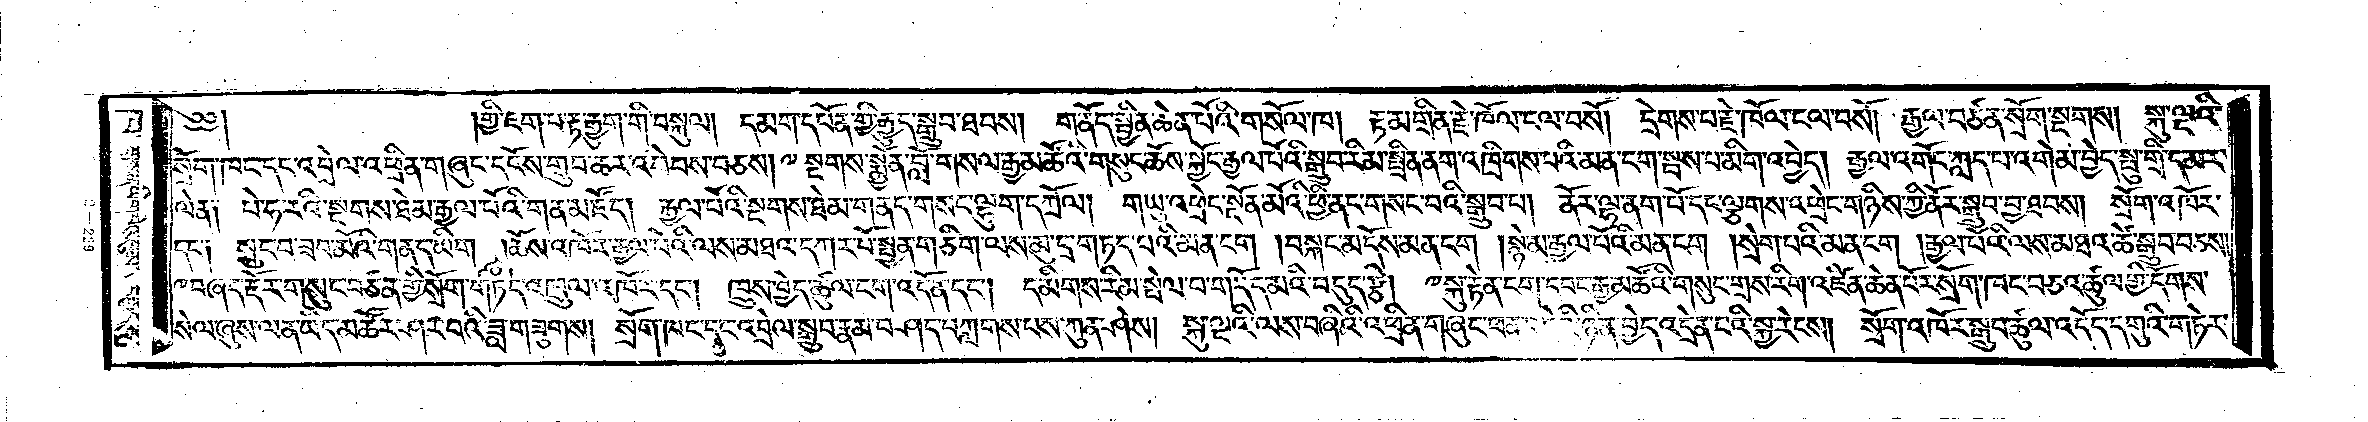༄༅། །གྱི་ཇག་པ་རྟ་རྒྱུག་གི་བསྐུལ། དམག་དཔོན་གྱི་རྒྱུད་སྒྲུབ་ཐབས། གནོད་སྦྱིན་ཆེན་པོའི་གསོལ་ཁ། རྟ་མགྲིན་རྗེ་ཁོལ་ངལ་བསོ། དྲེགས་པ་རྗེ་ཁོལ་ངལ་བསོ། རྒྱལ་བཙན་སྲོག་སྔགས། སྐུ་ལྔའི་
སྲོག་ཁང་དང་འབྲེལ་འཕྲིན་གཞུང་དངོས་གྲུབ་ཆར་འབེབས་བཅས། ༧་སྔགས་སྨྱོན་བློ་གསལ་རྒྱ་མཚོའི་གསུང་ཆོས་སྐྱོང་རྒྱལ་པོའི་སྒྲུབ་རིམ་སྤྲིན་ནག་འཁྲིགས་པའི་མན་ངག་སྤས་པ་མིག་འབྱེད། རྒྱལ་འགོང་ཀླད་པ་འགེམ་བྱེད་སྤུ་གྲི་དམར་
ལེན༑ པེ་ཧ་རའི་སྔགས་ཐེམ་རྒྱལ་པོའི་གན་མཛོད། རྒྱལ་པོའི་སྔགས་ཐེམ་གནད་གསང་ལྷུག་དཀྲོལ། གཡུ་འཕྲེང་སྔོན་མོའི་ཕྱི་ནང་གསང་བའི་སྒྲུབ་པ། ནོར་ལྷ་ནག་པོ་དང་ལྕགས་འཕྲེང་གཉིས་ཀྱི་ནོར་སྒྲུབ་བྱ་ཐབས། སྲོག་འཁོར་
དང༑ སྲུང་བ་ཟབ་མོའི་གནད་ཡིག །ཆོས་འཁོར་རྒྱལ་པོའི་ལས་མཐའ་དཀར་པོ་སྤྱན་གཅིག་ལས་མ་དྲ་གཏད་པའི་མན་ངག །བསྐང་མདོས་མན་ངག །སྙེ་མ་རྒྱལ་པོའི་མན་ངག །སྲེག་པའི་མན་ངག །རྒྱལ་བའི་ལས་མཐའ་ཚེ་སྒྲུབ་བཅས།
༧བཞད་རྡོར་གསུང་བཙན་གྱི་སྲོག་གཏད་འཁྲུལ་འཁོར་དང་། ཁྲུས་བྱེད་ཚུལ་དག་འདོན་དང་། དམིགས་རིམ་སྤེལ་བ་གདོད་མའི་བདུད་ཙི། ༧་སྐུ་རྟེན་དག་དབང་རྒྱ་མཚོའི་གསུང་གྲས་རིག་འཛིན་ཆེན་པོར་སྲོག་ཁང་གྱི་དོགས་
སེལ་ཞུས་ལན་ཡིད་མཚོར་ཤར་བའི་ཟླ་གཟུགས། སྲོག་ཁང་དུང་འབྲེལ་སྒྲུབ་རྣམ་བཤད་བཀླགས་པས་ཀུན་ཤེས། སྐུ་ལྔའི་ལས་བཞིའི་འཕྲིན་གཞུང་ཕན་བདེའི་ཉིན་བྱེད་འདྲེན་བའི་སྐྱ་རེངས། སྲོག་འཁོར་སྒྲུབ་ཚུལ་འདོད་དགུའི་གཏེར་